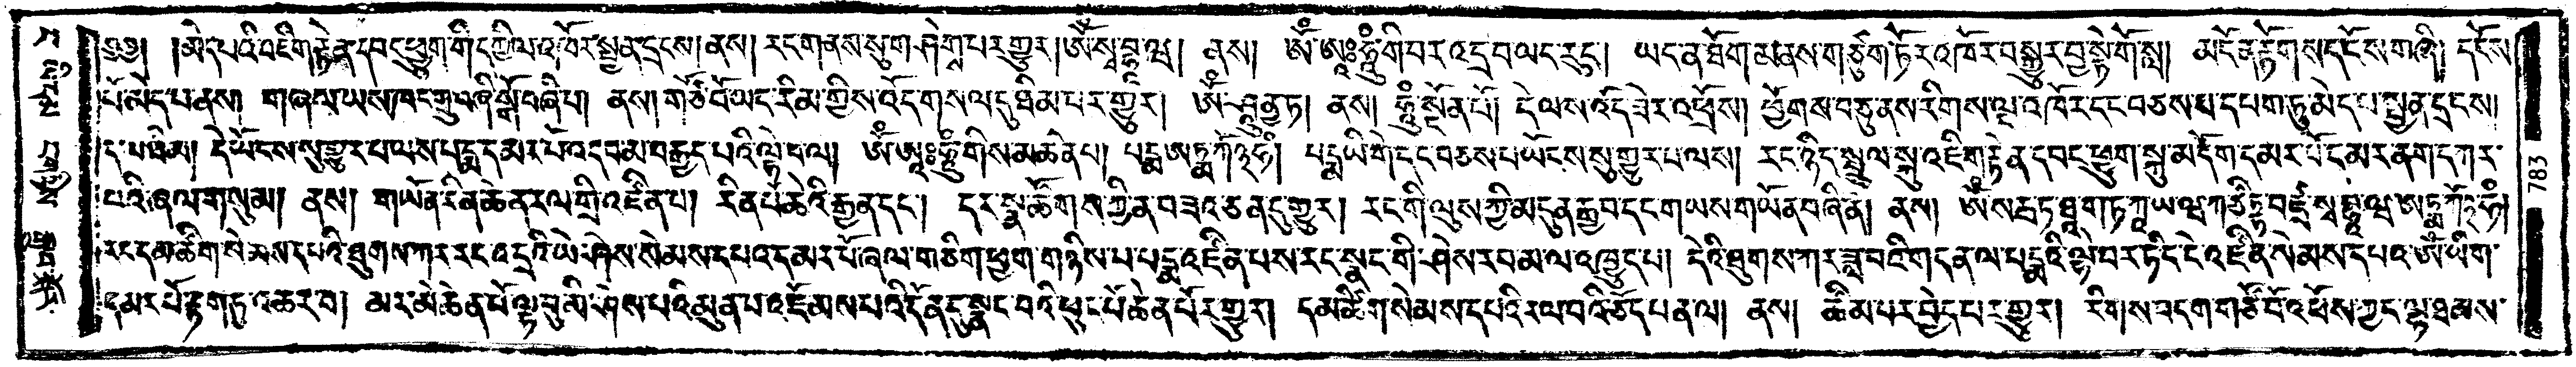༄༅། །མེད་བའི་འཇིག་རྟེན་དབང་ཕྱུག་གི་དཀྱིལ་འཁོར་སྦྱན་དྲངས། ནས། རང་གནས་སུ་གཤེགས་པར་གྱུར། ཨོཾ་སྭ་བྷཱ་ཝ། ནས། ཨོཾ་?ཨཱཿཧཱུཾ་གི་བར་འདྲ་བ་ཡང་རུང་། ཡང་ན་ཐོག་མ་ནས་གཙུག་ཏོར་འཁོར་བསྒྱུར་བྱ་སྟེ་གོ་སླ། མངོན་རྟོགས་དངོས་གཞི། དངོས་
པོ་མེད་པ་ནས། གཞལ་ཡས་ཁང་གྲུ་བཞི་སྒོ་བཞི་པ། ནས། གཙོ་བོ་ཡང་རིམ་གྱིས་འོད་གསལ་དུ་ཐིམ་པར་གྱུར། ཨོཾ་ཤཱུནྱ་ཏ། ནས། ཧཱུཾ་སྔོན་པོ། དེ་ལས་འོད་ཟེར་འཕྲོས། ཕྱོགས་བཅུ་ནས་རིགས་ལྔ་འཁོར་དང་བཅས་བ་དཔལ་ཏུ་མེད་པ་སྤྱན་དྲངས།
དེ་ལ་?། དེ་ཡོངས་སུ་གྱུར་པ་ལས་པདམ་དམར་པོ་འདབ་མ་བརྒྱད་པའི་ལྟེ་བ་ལ། ཨོཾ་ཨཱཿ ཧཱུཾ་གིས་མཚན་པ། པདམ་ཨཏམ་ཀ་ཉ་ཧཾ། པདམ་ཡི་གེ་དང་བཅས་པ་ལོངས་སུ་གྱུར་པ་ལས། རང་ཉིད་སྤྲུལ་སྐུ་འཇིག་རྟེན་དབང་ཕྱུག་སྐུ་མདོག་དམར་པོ་དམར་ནག་དཀར་
པའི་ཞལ་གསུམ། ནས། གཡོན་རིན་ཆེན་རལ་གྲི་འཛིན་པ། རིན་པོ་ཆེའི་རྒྱན་དང་། དར་སྣ་ཚོགས་ཀྱི་ན་བཟའ་ཅན་དུ་གྱུར། རང་གི་ལུས་ཀྱི་མདུན་རྒྱབ་དང་གཡས་གཡོན་བཞི་ནི། ནས། ཨོཾ་སརྦ་ཏ་ཐཱ་ག་ཏ་ཀཱ་ཡ་ཝ་ཀ་ཙིཏྟ་བཛྲ་སྭ་བྷཱ་ཝ་ཨཏྨ་ཀོ་ཧི།
རང་དམ་ཚིག་སེམས་དཔའི་ཐུགས་ཀར་རང་འདྲའི་ཡེ་ཤེས་སེམས་དཔའ་དམར་པོ་ཞལ་གཅིག་ཕྱག་གཉིས་པ་པདམ་འཛིན་པས་རང་སྣང་གི་ཤེས་རབ་མ་ལ་འཁྱུད་པ། དེའི་ཐུགས་ཀར་ཟླ་བའི་གདན་ལ་པདམའི་ལྟ་བར་ཏིང་ངེ་འཛིན་སེམས་དཔའ་ཨ་ཡིག་
དམར་པོ་རྟག་ཏུ་འཆར་བ། མར་མེ་ཆེན་བོ་ལྟ་བུ་མི་ཤེས་པའི་མུན་པ་འཇོམས་པའི་དོན་དུ་སྣང་བའི་ཕུང་པོ་ཆེན་པོར་གྱུར། དམ་ཚིག་སེམས་དཔའི་རལ་བའི་ཅོ?་པ་ན་ལ། ནས། ཆིམ་པར་བྱེད་པར་གྱུར། རིགས་འདུག་གཙོ་བོ་འཕོས་ཀྱང་ལྷ་ཐམས་